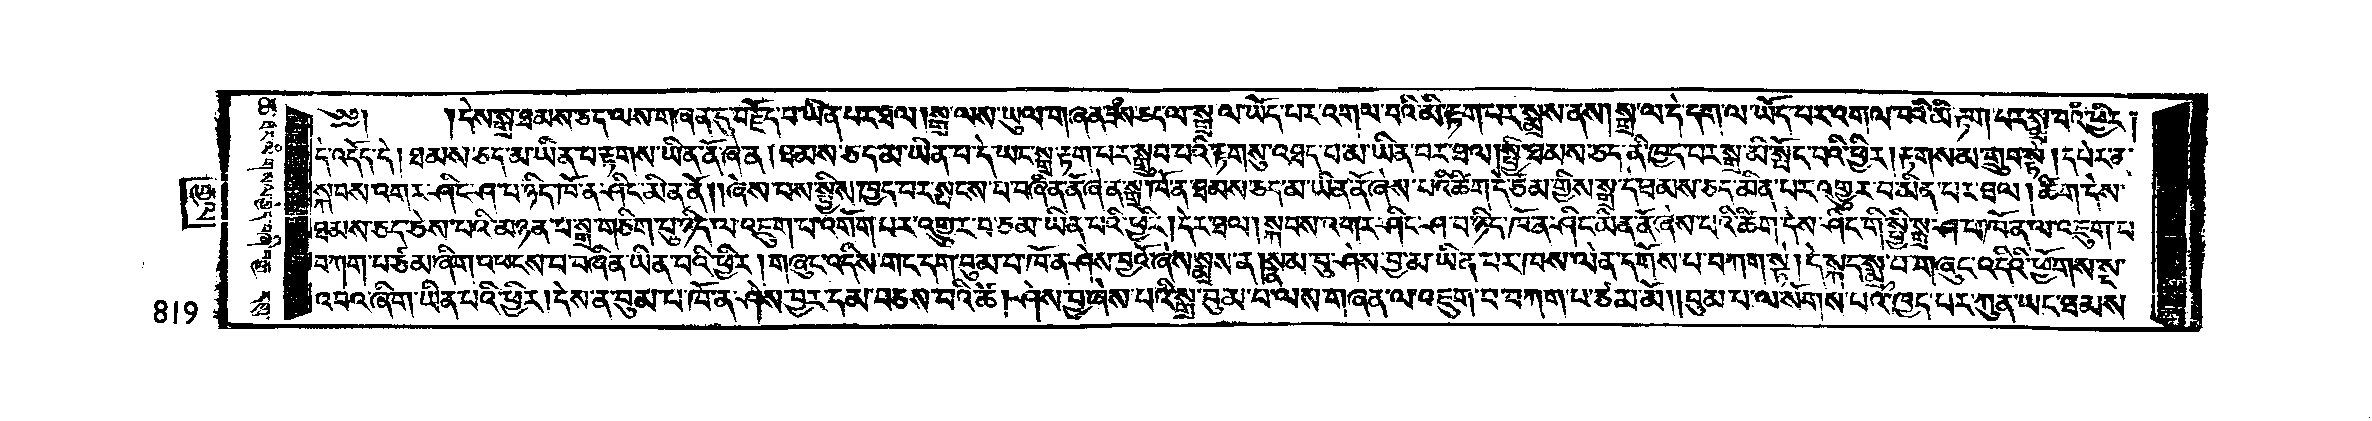༄༅། །དེས་སྒྲ་ཐམས་ཅད་ལས་གཞན་དུ་བརྗོད་པ་ཡིན་པར་ཐལ། སྒྲ་ལས་ཡུལ་གཞན་ཐམས་ཅད་ལ་སྒྲ་ལ་ཡོད་པར་འགལ་བའི་མི་རྟག་པར་སྨྲས་ནས། སྒྲ་ལ་དེ་དག་ལ་ཡོད་པར་འགལ་བའི་མི་རྟག་པར་སྨྲ་བའི་ཕྱིར།
དེ་འདོད་དེ། ཐམས་ཅད་མ་ཡིན་པ་རྟགས་ཡིན་ནོ་ཞེ་ན། ཐམས་ཅད་མ་ཡིན་པ་དེ་ཡང་སྒྲ་རྟག་པར་སྒྲུབ་པའི་རྟགས་སུ་འཐད་པ་མ་ཡིན་པར་ཐལ། སྤྱི་ཐམས་ཅད་ནི་ཁྱད་པར་སྒྲ་མི་སྤོང་བའི་ཕྱིར། རྟགས་མ་གྲུབ་སྟེ། དཔེར་ན་
སྐབས་འགར་ཤིང་ཤ་པ་ཉིད་ཁོ་ན་ཤིང་མིན་ནོ། །ཞེས་པས་སྤྱིས་ཁྱད་པར་སྤངས་པ་བཞིན་ནོ་ཞེ་ན་སྒྲ་ཁོ་ན་ཐམས་ཅད་མ་ཡིན་ནོ་ཞེས་པའི་ཚིག་དེ་ཙམ་གྱིས་སྒྲ་དེ་ཐམས་ཅད་མིན་པར་འགྱུར་བ་མིན་པར་ཐལ། ཚིག་དེས་
ཐམས་ཅད་ཅེས་པའི་མཉན་པ་སྒྲ་གཅིག་པུ་ཉིད་ལ་འཇུག་པ་འགོག་པར་འགྱུར་བ་ཙམ་ཡིན་པའི་ཕྱིར། དེར་ཐལ། སྐབས་འགར་ཤིང་ཤ་པ་ཉིད་ཁོ་ན་ཤིང་མིན་ནོ་ཞེས་པའི་ཚིག་དེས་ཤིང་གི་སྤྱི་སྒྲ་ཤ་པ་ཁོ་ན་ལ་འཇུག་པ་
བཀག་པ་ཙམ་ཞིག་འཕངས་པ་བཞིན་ཡིན་པའི་ཕྱིར། གཞུང་འདིས་གང་དག་བུམ་པ་ཁོ་ན་ཤེས་བྱའོ་ཞེས་སྨྲས་ན། སྣམ་བུ་ཤེས་བྱ་མ་ཡིན་པར་ཁས་ལེན་དགོས་པ་བཀག་སྟེ། དེ་སྐད་སྨྲ་བ་གཞུང་འདིའི་ཕྱོགས་སྔ་
འབའ་ཞིག་ཡིན་པའི་ཕྱིར། དེས་ན་བུམ་པ་ཁོ་ན་ཤེས་བྱར་དམ་བཅས་པའི་ཚེ། ཤེས་བྱ་ཞེས་པའི་སྒྲ་བུམ་པ་ལས་གཞན་ལ་འཇུག་པ་བཀག་པ་ཙམ་མོ། །བུམ་པ་ལ་སོགས་པའི་ཁྱད་པར་ཀུན་ཡང་ཐམས་